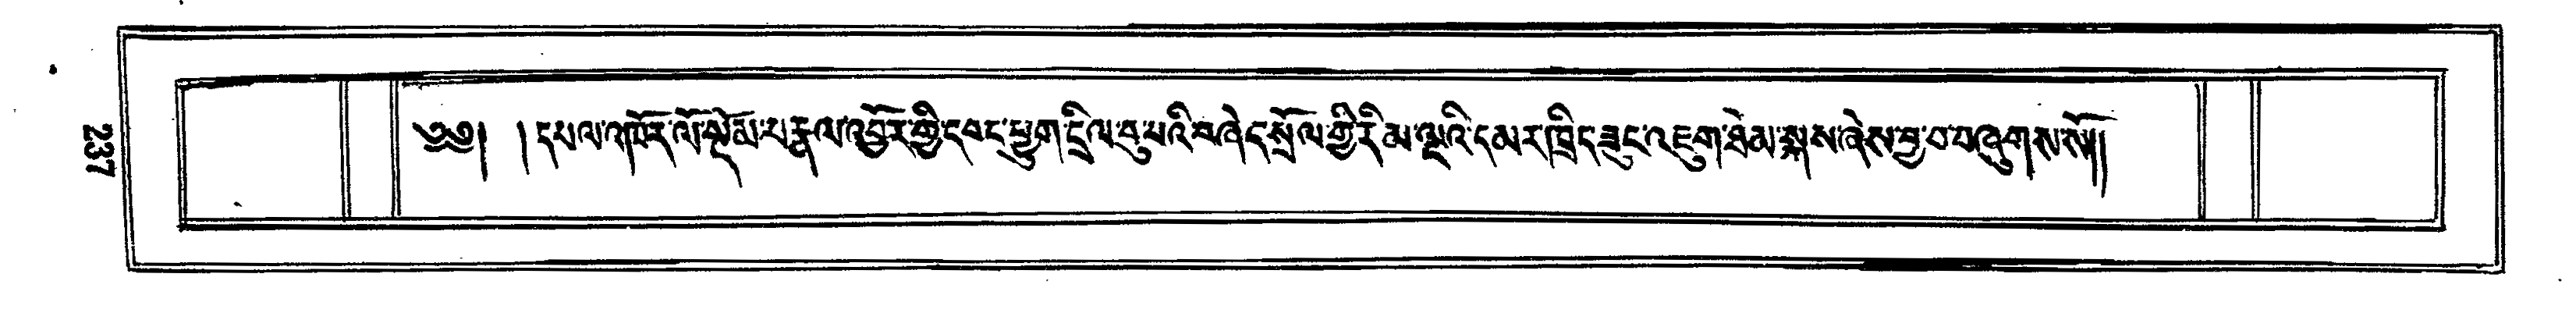༄༅། །དཔལ་འཁོར་ལོ་སྡོམ་པ་རྣལ་འབྱོར་གྱི་དབང་ཕྱུག་དྲིལ་བུ་པའི་བཞེད་སྲོལ་གྱི་རིམ་ལྔའི་དམར་ཁྲིད་ཟུང་འཇུག་ཐེམ་སྐས་ཞེས་བྱ་བ་བཞུགས་སོ།། །།